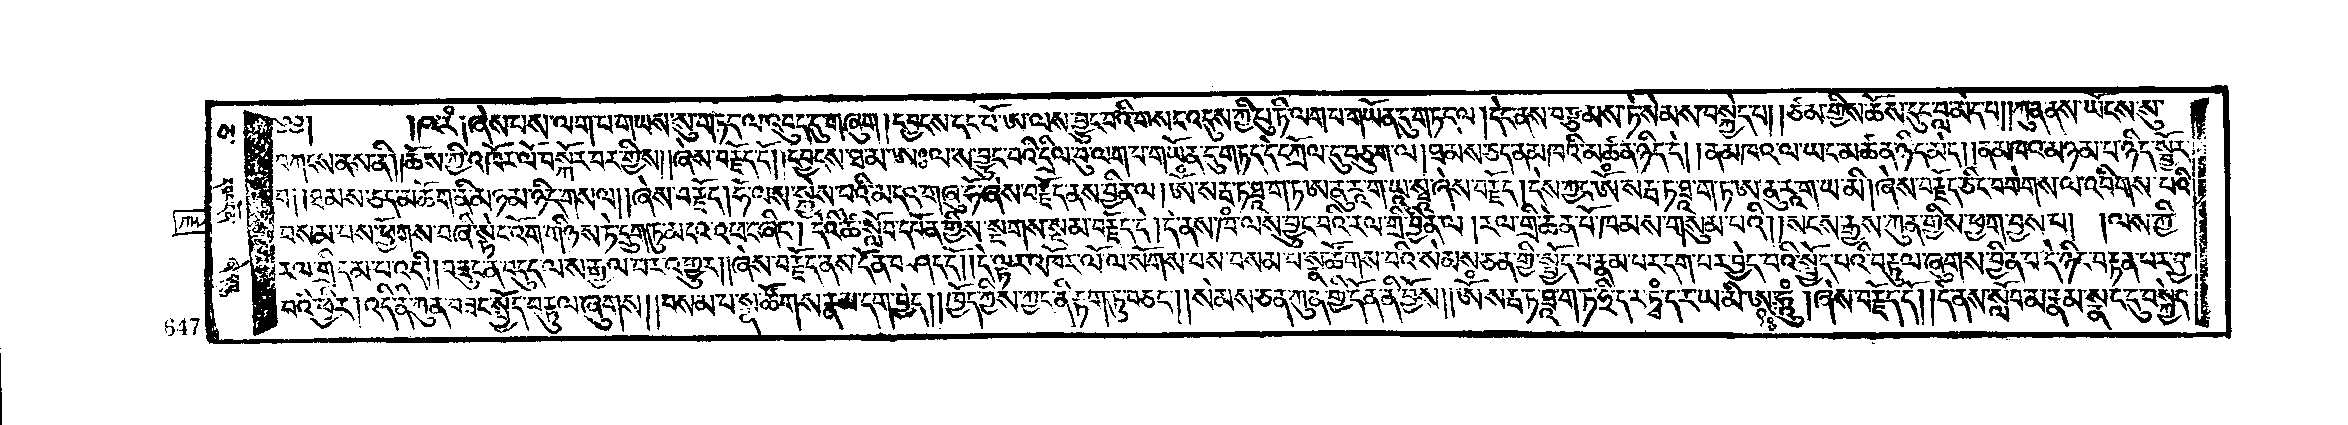༄༅། །ཥ་རཾ། ཞེས་པས་ལག་པ་གཡས་སུ་གཏད་ལ་འབུད་དུ་གཞུག །དབྱངས་དང་པོ་ཨ་ལས་བྱུང་བའི་གསང་འདུས་ཀྱི་པུ་ཏི་ལག་པ་གཡོན་དུ་གཏད་ལ། དེང་ནས་བརྩམས་ཏེ་སེམས་བསྐྱེད་པ། །ཙམ་གྱིས་ཆོས་དུང་བླ་མེད་པ། །ཀུན་ནས་ཡོངས་སུ་
བཀངས་ནས་ནི། །ཆོས་ཀྱི་འཁོར་ལོ་བསྐོར་བར་གྱིས། །ཞེས་བརྗོད་དོ། །དབྱངས་ཐ་མ་ཨཿ ལས་བྱུང་བའི་དྲིལ་བུ་ལག་པ་གཡོན་དུ་གཏད་དེ་དཀྲོལ་དུ་བཅུག་ལ། ཐམས་ཅད་ནམ་མཁའི་མཚན་ཉིད་དེ། །ནམ་མཁའ་ལ་ཡང་མཚན་ཉིད་མེད། །ནམ་མཁའ་མཉམ་པ་ཉིད་སྦྱོར་
བ། །ཐམས་ཅད་མཆོག་ནི་མཉམ་ཉིད་གསལ། །ཞེས་བརྗོད། ཧོ་ལས་སྐྱེས་པའི་མདའ་གཞུ་ཧོ་ཞེས་བརྗོད་ནས་བྱིན་ལ། ཨོཾ་སརྦ་ཏ་ཐཱ་ག་ཏ་ཨ་ནུ་རཱ་ག་ཡཱ་སྭཱ་ཞེས་བརྗོད། དེས་ཀྱང་ཨོཾ་སརྦ་ཏ་ཐཱ་ག་ཏ་ཨ་ནུ་རཱ་ག་ཡ་མི། ཞེས་བརྗོད་ཅིང་བགེགས་ལ་འབིགས་པའི་
བསམ་པས་ཕྱོགས་བཞི་སྟེང་འོག་གཉིས་ཏེ་དྲུག་ཏུ་མངའ་འཕང་ཞིང་། དེའི་ཚེ་སློབ་དཔོན་གྱིས་སྔགས་སྔ་མ་བརྗོད་དེ། དེ་ནས་ཁཾ་ལས་བྱུང་བའི་རལ་གྲི་བྱིན་ལ། རལ་གྲི་ཆེན་པོ་ཁམས་གསུམ་པའི། །སངས་རྒྱས་ཀུན་གྱིས་ཕྱག་བྱས་པ། །ལས་ཀྱི་
རལ་གྲི་དམ་པ་འདི། །བཟུང་ན་བདུད་ལས་རྒྱལ་བར་འགྱུར། །ཞེས་བརྗོད་ནས་དོན་བཤད་དོ། །དེ་ལྟར་འཁོར་ལོ་ལ་སོགས་པས་བསམ་པ་སྣ་ཚོགས་པའི་སེམས་ཅན་གྱི་སྤྱོད་པ་རྣམ་པར་དག་པར་བྱེད་པའི་སྤྱོད་པའི་བརྟུལ་ཞུགས་བྱིན་པ་དེ་ཉིད་བརྟན་པར་བྱ་
བའི་ཕྱིར། འདི་ནི་ཀུན་བཟང་སྤྱོད་བརྟུལ་ཞུགས། །བསམ་པ་སྣ་ཚོགས་རྣམ་དག་བྱེད། །ཁྱོད་ཀྱིས་ཀྱང་ནི་རྟག་ཏུ་བཅང་། །སེམས་ཅན་ཀུན་གྱི་དོན་ནི་བྱོས། །ཨོཾ་སརྦ་ཏ་ཐཱ་ག་ཏ་ཧྲི་ད་ར་ཏཝཾ་ད་ར་ཡ་མི་ཨཱ་ཧཱུཾ། ཞེས་བརྗོད་དོ། །དེ་ནས་སློབ་མ་རྣམ་སྣང་དུ་བསྐྱེད་